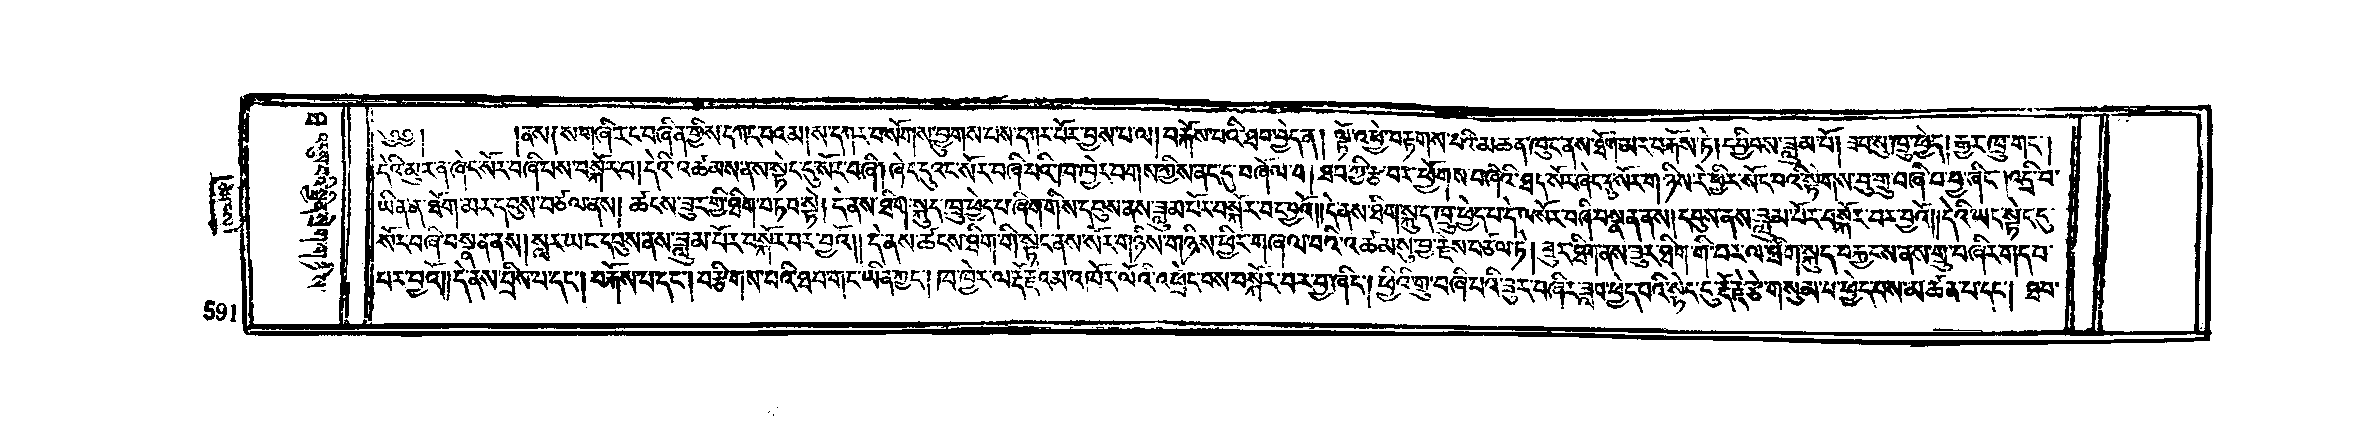༄༅། །ནས། ས་གཞི་རང་བཞིན་གྱིས་དཀང་བའམ། ས་དཀར་བ་སོགས་བྱུགས་པས་དཀར་པོར་བྱས་པ་ལ། བརྐོས་པའི་ཐབ་བྱེད་ན། ལྟོ་འཕྱེ་བརྟགས་པའི་མཆན་ཁུང་ནས་ཐོག་མར་བརྐོས་ཏེ། དབྱིབས་ཟླུམ་པོ། ཟབ་སུ་ཁྲུ་ཕྱེད། རྒྱར་ཁྲུ་གང་།
དེའི་མུར་ན་ཞེང་སོར་བཞི་པས་བསྐོར་བ། དེའི་འཚམས་ནས་སྟེང་དུ་སོར་བཞི། ཞེང་དུའང་སོར་བཞི་པའི་ཁ་ཁྱེར་བགས་ཀྱིས་ནང་དུ་བཞོལ་བ། ཐབ་ཀྱི་རྩ་བར་ཕྱོགས་བཞིའི་ཐད་སོར་ཞེང་དུ་སོར་གཉིས་རེ་ཕྱིར་སོང་བའི་སྟེགས་བུ་གྲུ་བཞི་བ་བྱ་ཞིང་། འདྲི་བ་
ཡིན་ན་ཐོག་མར་དབུས་བཙལ་ནས། ཚངས་ཟུར་གྱི་ཐིག་བཏབ་སྟེ། དེ་ནས་ཐིག་སྐུད་ཁྲུ་ཕྱེད་པ་ཞིག་གིས་དབུས་ནས་ཟླུམ་པོར་བསྐོར་བར་བྱའོ། །དེ་ནས་ཐིག་སྐུད་ཁྲུ་ཕྱེད་པ་དེ་ལ་སོར་བཞི་བསྣན་ནས། དབུས་ནས་ཟླུམ་པོར་བསྐོར་བར་བྱའོ། །དེའི་ཡང་སྟེང་དུ་
སོར་བཞི་བསྣན་ནས། སླར་ཡང་དབུས་ནས་ཟླུམ་པོར་བསྐོར་བར་བྱའོ། །དེ་ནས་ཚངས་ཐིག་གི་སྟེང་ནས་སོར་གཉིས་གཉིས་ཕྱིར་གཞལ་བའི་འཚམས་སུ་བྱ་རྗེས་བཙལ་ཏེ། ཟུར་ཐིག་ནས་ཟུར་ཐིག་གི་བར་ལ་ཐིག་སྐུད་བརྐྱངས་ནས་གྲུ་བཞིར་གདབ་
པར་བྱའོ། །དེ་ནས་བྲིས་པ་དང་། བརྐོས་པ་དང་། བརྩིགས་པའི་ཐབ་གང་ཡིན་ཀྱང་། ཁ་ཁྱེར་ལ་རྡོ་རྗེའམ་འཁོར་ལོའི་འཕྲེང་བས་བསྐོར་བར་བྱ་ཞིང་། ཕྱིའི་གྲུ་བཞི་པའི་ཟུར་བཞིར་ཟླ་བ་ཕྱེད་པའི་སྟེང་དུ་རྡོ་རྗེ་རྩེ་གསུམ་པ་ཕྱེད་པས་མཚན་པ་དང་། ཐབ་